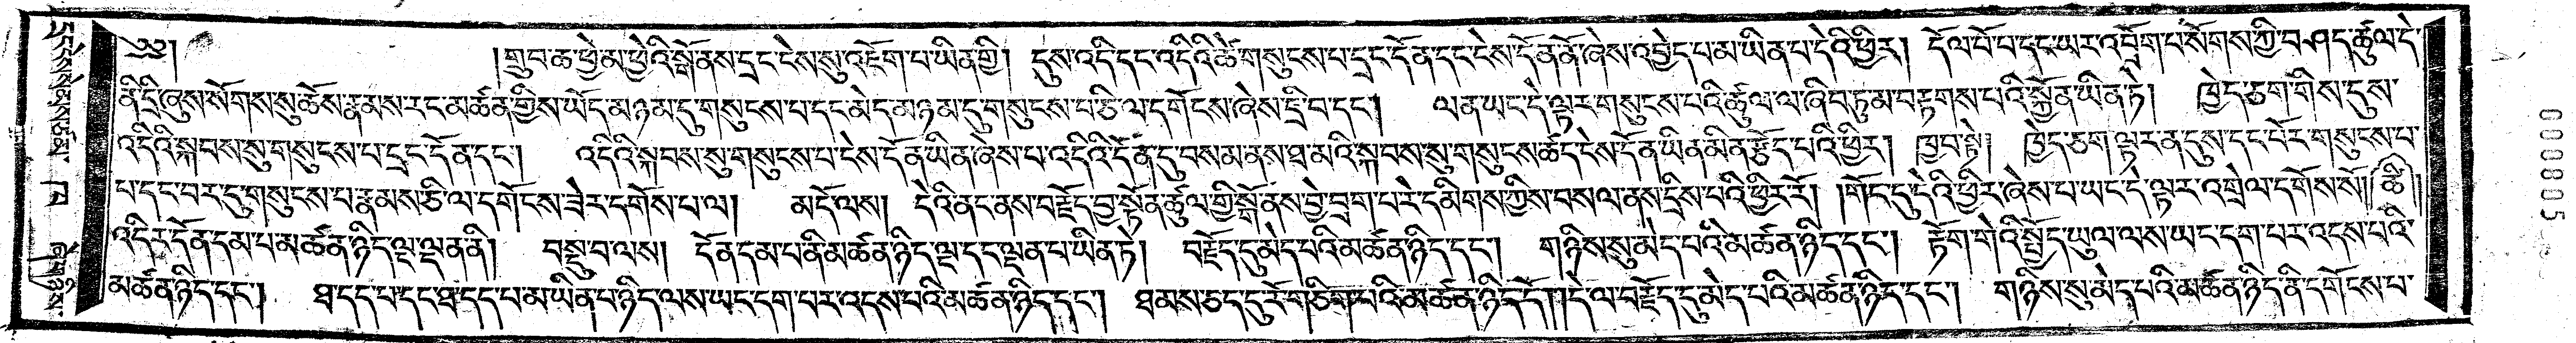༄༅། །གྲུབ་ཆ་ཕྱེ་མ་ཕྱེའི་སྒོ་ནས་དྲང་ངེས་སུ་འཇོག་པ་ཡིན་གྱི། དུས་འདི་དང་འདིའི་ཚེ་གསུངས་པ་དྲང་དོན་དང་ངེས་དོན་ནོ་ཞེས་འབྱེད་པ་མ་ཡིན་པ་དེའི་ཕྱིར། དོལ་པོ་བ་དང་ཡར་འབྲོག་པ་སོགས་ཀྱི་བཤད་ཚུལ་དེ་
ནི་དྲི་ཞུས་སོགས་སུ་ཆོས་རྣམས་རང་མཚན་གྱིས་ཡོད་མཉམ་དུ་གསུངས་པ་དང་མེད་མཉམ་དུ་གསུངས་པ་ཅི་ལ་དགོངས་ཞེས་དྲི་བ་དང་། ལན་ཡང་དེ་ལྟར་གསུངས་པའི་ཚུལ་ལ་ཞིབ་ཏུ་མ་བརྟགས་པའི་སྐྱོན་ཡིན་ཏེ། ཁྱེད་ཅག་གིས་དུས་
འདིའི་སྐབས་སུ་གསུངས་པ་དྲང་དོན་དང་། འདིའི་སྐབས་སུ་གསུངས་པ་ངེས་དོན་ཡིན་ཞེས་པ་འདིའི་དོན་དུ་བསམ་ནས་ཐ་མའི་སྐབས་སུ་གསུངས་ཚད་ངེས་དོན་ཡིན་མིན་རྩོད་པའི་ཕྱིར། ཁྱབ་སྟེ། ཁྱེད་ཅག་ལྟར་ན་དུས་དང་པོར་གསུངས་པ་
པ་དང་བར་དུ་གསུངས་པ་རྣམས་ཅི་ལ་དགོངས་ཟེར་དགོས་པ་ལ། མདོ་ལས། དེའི་ནང་ནས་བརྗོད་བྱ་སྟོན་ཚུལ་གྱི་སྒོ་ནས་བྱེ་བྲག་པ་རེ་དམིགས་ཀྱིས་བསལ་ནས་དྲིས་པའི་ཕྱིར་རོ། །གོང་དུ་དེའི་ཕྱིར་ཞེས་པ་ཡང་དེ་ལྟར་འགྲེལ་དགོས་སོ། ༼ཚི༽།
འདིར་དོན་དམ་པ་མཚན་ཉིད་ལྔ་ལྡན་ནི། བསྡུ་བ་ལས། དོན་དམ་པ་ནི་མཚན་ཉིད་ལྔ་དང་ལྡན་པ་ཡིན་ཏེ། བརྗོད་དུ་མེད་པའི་མཚན་ཉིད་དང་། གཉིས་སུ་མེད་པའི་མཚན་ཉིད་དང་། རྟོག་གེའི་སྤྱོད་ཡུལ་ལས་ཡང་དག་པར་འདས་པའི་
མཚན་ཉིད་དང་། ཐ་དད་པ་དང་ཐ་དད་པ་མ་ཡིན་པ་ཉིད་ལས་ཡང་དག་པར་འདས་པའི་མཚན་ཉིད་དང་། ཐམས་ཅད་དུ་རོ་གཅིག་པའི་མཚན་ཉིད་དོ། །དེ་ལ་བརྗོད་དུ་མེད་པའི་མཚན་ཉིད་དང་། གཉིས་སུ་མེད་པའི་མཚན་ཉིད་ནི་དགོངས་པ་